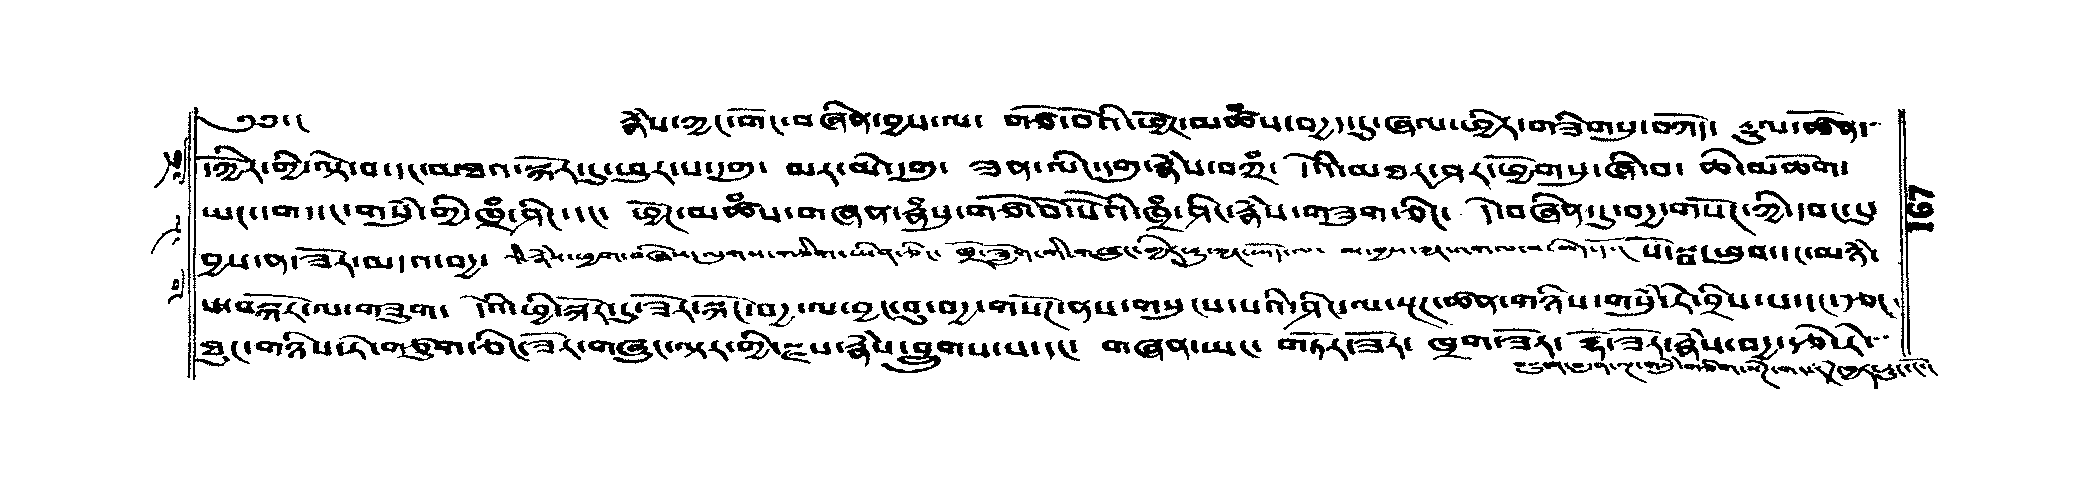རྣམས་ཀྱང་གོང་བཞིན་བྱས་ལ། གཙོ་བོའི་ཕྱོགས་མཚམས་བརྒྱད་དུ་ཞལ་ཕྱིར་གཟིགས་སུ་བཀོད། རྡུལ་ཚོན་
དཀྱིལ་འཁོར་གྱི་ལྟེ་བ་དང་མཐའ་སྐོར་དུ་ཕུར་པ་དགུ་མར་མེ་དགུ་ཟན་ལིང་དགུ་རྣམས་བཀྲམ། དེའི་མཐར་ཤར་ཕྱོགས་སུ་ཞི་བ། ཆེ་མཆོག་
ཡང་དག་དང་གསུམ་གྱི་ཁྲམ་ཤིང་དང་། ཕྱོགས་མཚམས་གཞན་རྣམས་སུ་གཙོ་བོ་སོ་སོའི་ཤིང་རྣམས་གཟུག་ཅིང་། དེ་བཞིན་དུ་བརྒྱ་གསོགས་ཀྱི་དབང་དུ་
བྱས་ན་ཟོར་མདའ་བརྒྱ།འདི་རྣམས་ཕྱག་བཞེས་ལུགས་གཅིག་ཡིན་ཅིང་། ཁྲོ་བཟློག་གི་གཞུང་གྱེར་རྒྱུ་ཀྱང་ཡོད་ལ། མ་བྱས་ཀྱང་འགལ་བ་མེད་དོ། སོ་སྦ་ཕུབ་དང་མཉམ་
པ་བསྐོར་ལ་གཟུག་དེའི་ཕྱི་སྐོར་དུ་ཟོར་ཀོང་བརྒྱ་ལ་བྱང་བུ་བརྒྱ་གསོགས་ནས་གསུངས་པའི་ཤིང་ལ་སྔགས་ཚན་གཉིས་གསུམ་རེ་བྲིས་པ་དང་རྩ་
ཐུང་གཉིས་རེ་གཙུག་ཅིང་ཟོར་གཞུང་ལྟར་གྱི་རྫས་རྣམས་བླུགས་པ་དང་། གཞན་ཡང་། གཏོར་ཟོར། ཁྲག་ཟོར། རྡོ་ཟོར་རྣམས་བརྒྱ་རྩེ་རེ་
 བསྡུ་ན་བདུན་ལྔ་གསུམ་གཅིག་སོགས་བྱར་རུང་ངོ་།